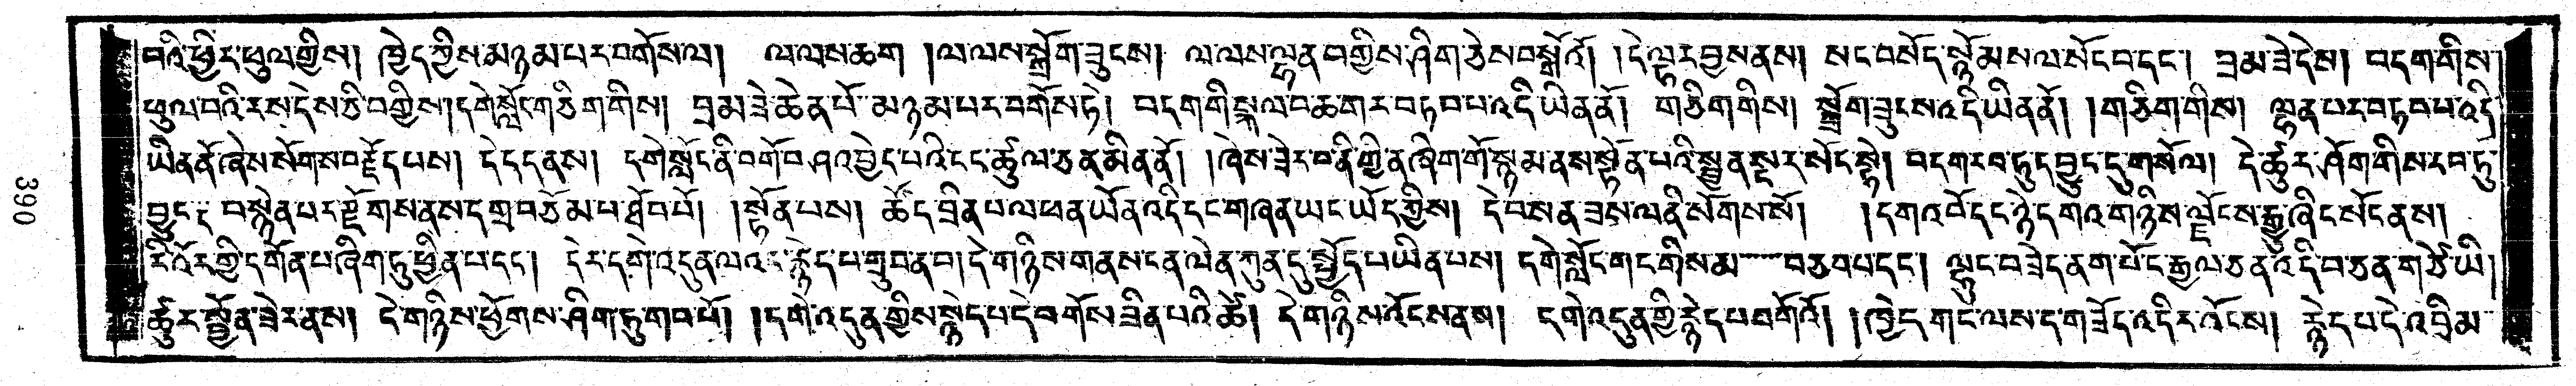བའི་ཕྱིར་ཕུལ་གྱིས། ཁྱེད་ཀྱིས་མཉམ་པར་བགོས་ལ། ལ་ལས་ཆག །ལ་ལས་སྒྲོག་ཟུངས། ལ་ལས་ལྷན་བགྱིས་ཤིག་ཅེས་བསྒོའོ། །དེ་ལྟར་བྱས་ནས། སང་བསོད་སྙོམས་ལ་སོང་བ་དང་། བྲམ་ཟེ་དེས། བདག་གིས་
ཕུལ་བའི་རས་དེས་ཅི་བགྱིས། དགེ་སློང་གཅིག་གིས། བྲམ་ཟེ་ཆེན་པོ་མཉམ་པར་བགོས་ཏེ། བདག་གི་སྐལ་བ་ཆ་གར་བཏབ་པ་འདི་ཡིན་ནོ། །གཅིག་གིས། སྒྲོག་ཟུངས་འདི་ཡིན་ནོ། །གཅིག་གིས། ལྷན་པར་བཏབ་པ་འདི་
ཡིན་ནོ་ཞེས་སོགས་བརྗོད་པས། དེ་དད་ནས། དགེ་སློང་ནི་འགོ་བཤའ་བྱེད་པའི་ངང་ཚུལ་ཅན་མིན་ནོ། །ཞེས་ཟེར་བ་ནི་གྱི་ན་ཞིག་གོ་སྙམ་ནས་སྟོན་པའི་སྤྱན་སྔར་སོང་སྟེ། བདག་རབ་ཏུ་དབྱུང་དུ་གསོལ། དེ་ཚུར་ཤོག་གིས་རབ་ཏུ་
བྱུང༑ བསྙེན་པར་རྫོགས་ནས་དགྲ་བཅོམ་པ་ཐོབ་པོ། །སྟོན་པས། ཚོད་བྲིན་པ་ལ་ཕན་ཡོན་འདི་དང་གཞན་ཡང་ཡོད་ཀྱིས། དེ་བས་ན་ཟས་ལ་ནི་སོགས་སོ། །དགའ་བོ་དང་ཉེ་དགའ་གཉིས་ལྗོངས་རྒྱུ་ཞིང་སོང་ནས།
རི་འོར་གྱི་དགོན་པ་ཞིག་ཏུ་ཕྱིན་པ་དང་། དེར་དགེ་འདུན་ལའང་རྙེད་པ་གྲུབ་ན་བ། དེ་གཉིས་གནས་ངན་ལེན་ཀུན་དུ་སྤྱོད་པ་ཡིན་པས། དགེ་སློང་གང་གིས་མ་བཅབ་པ་དང་། ལྷུང་བཟེད་ནག་པོ་ང་རྒྱལ་ཅན་འདི་བ་ཅན་གཙེ་ཡི།
ཚུར་སྦྱོན་ཟེར་ནས། དེ་གཉིས་ཕྱོགས་ཤིག་ཏུ་གབ་པོ། །དགེ་འདུན་གྱིས་སྙེད་པ་དེ་བགོས་ཟིན་པའི་ཚེ། དེ་གཉིས་འོངས་ནས། དགེ་འདུན་གྱི་རྙེད་པ་བགོའོ། །ཁྱེད་གང་ལས་ད་གཟོད་འདིར་འོངས། རྙེད་པ་དེ་འབྲིམ་